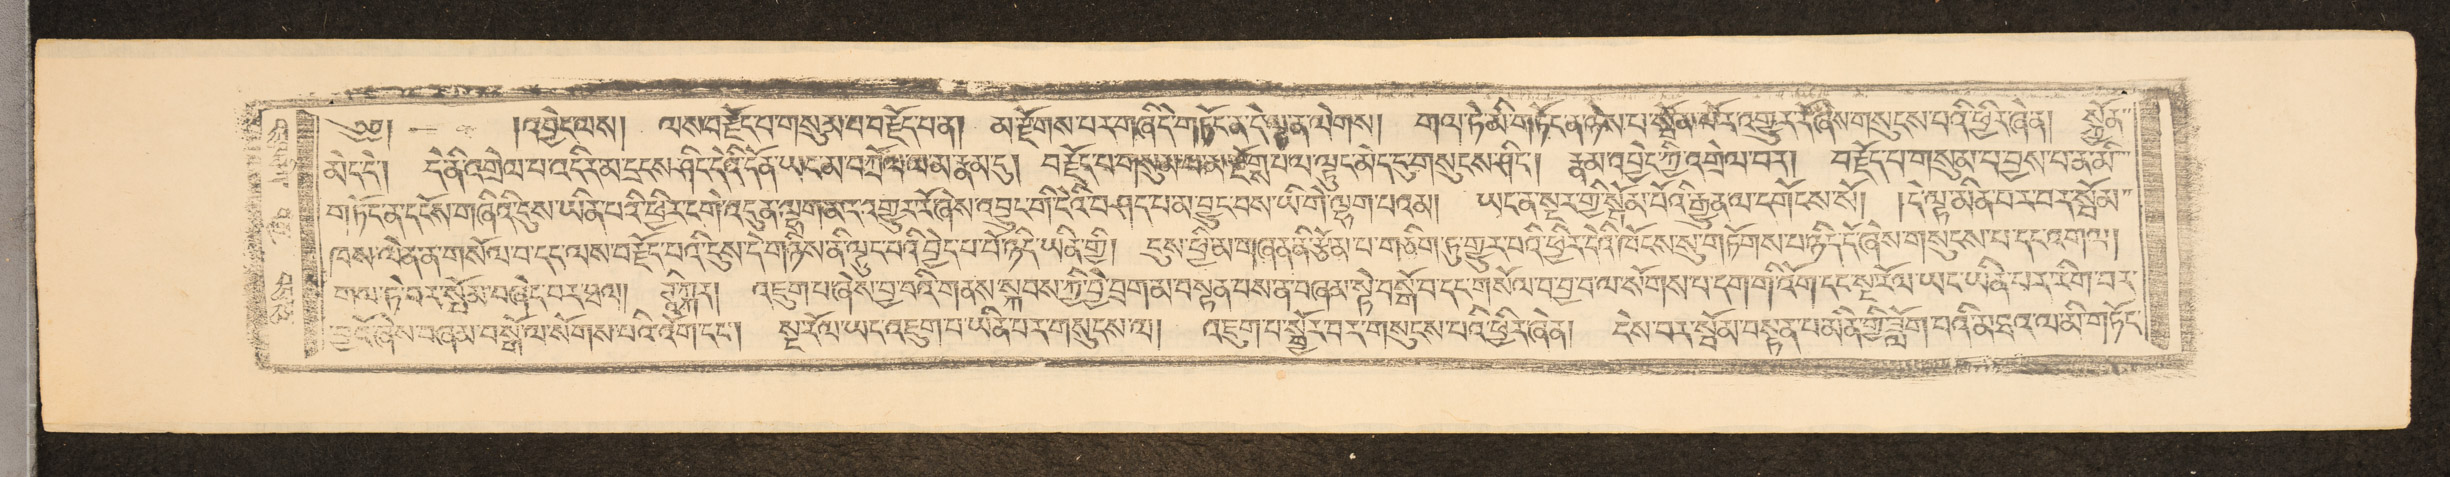༄༅། །འབྱེད་ལས། ལས་བརྗོད་པ་གསུམ་པ་བརྗོད་པ་ན། མ་རྫོགས་པར་གཞི་དེ་གཏོང་ན་དེ་ལྟ་ན་ལེགས། གལ་ཏེ་མི་གཏོང་ན་ཉེས་པ་སྦོམ་བོར་འགྱུར་རོ་ཞེས་གསུངས་པའི་ཕྱིར་ཞེ་ན། སྐྱོན་
མེད་དེ། དེ་ནི་འགྲེལ་པ་འདིར་མ་དྲངས་ཤིང་དེའི་དོན་ཡང་མ་བཀྲོལ་ལ་མ་རྣམ་དུ། བརྗོད་པ་གསུམ་པ་མ་རྫོགས་པ་ལ་ལྟུང་མེད་དུ་གསུངས་ཤིང་། རྣམ་འབྱེད་ཀྱི་འགྲེལ་བར། བརྗོད་པ་གསུམ་པ་བྱས་པ་ན་མི་
གཏོང་ན་དངོས་གཞིའི་དུས་ཡིན་པའི་ཕྱིར་དགེ་འདུན་ལྷག་མར་འགྱུར་རོ་ཞེས་འབྱུང་གི་དེའི་བཤད་པ་མ་བྱུང་བས་ཡི་གེ་ལྷག་བའམ། ཡང་ན་སྔར་གྱི་སྤོམ་པོའི་རྒྱུན་ལ་དགོངས་སོ། །དེ་ལྟ་མིན་པར་བར་སྦོམ་
བས་ལེན་ན་གསོལ་བ་དད་ལས་བརྗོད་པའི་དུས་དེ་གཉིས་ནི་ལྟུང་བའི་བྱེད་པ་བོ་ཉིད་ཡིན་གྱི། དུས་ཕྱི་མ་གཞན་ནི་རྩོམ་པ་གཅིག་ཏུ་གྱུར་པའི་ཕྱིར་དེའི་ཁོངས་སུ་གཏོགས་པ་ཉིད་དོ་ཞེས་གསུངས་པ་དང་འགལ།
གལ་ཏེ་བར་སྦོམ་བཞེད་པར་ཐལ། ཊཱིཀྐར། འཇུག་པ་ཞེས་བྱ་བའི་གནས་སྐབས་ཀྱི་བྱེ་བྲག་མ་བསྟན་པས་ན་བཞམ་སྟེ་བསྒོ་བ་དང་གསོལ་བ་བྱ་བ་ལ་སོགས་པ་དག་གི་འོག་དང་སྔ་རོལ་ཡང་ཡིན་པར་རིག་བར་
བྱའོ་ཞེས་བཞམ་བསྒོ་ལ་སོགས་པའི་འོག་དང་། སྔ་རོལ་ཡང་འཇུག་པ་ཡིན་པར་གསུངས་ལ། འཇུག་བ་སྦྱོར་བར་གསུངས་པའི་ཕྱིར་ཞེ་ན། ངེས་བར་སྦོམ་བསྟན་པ་མིན་གྱི་ཟློག་པའི་མཐའ་ལ་མི་གཏོང་